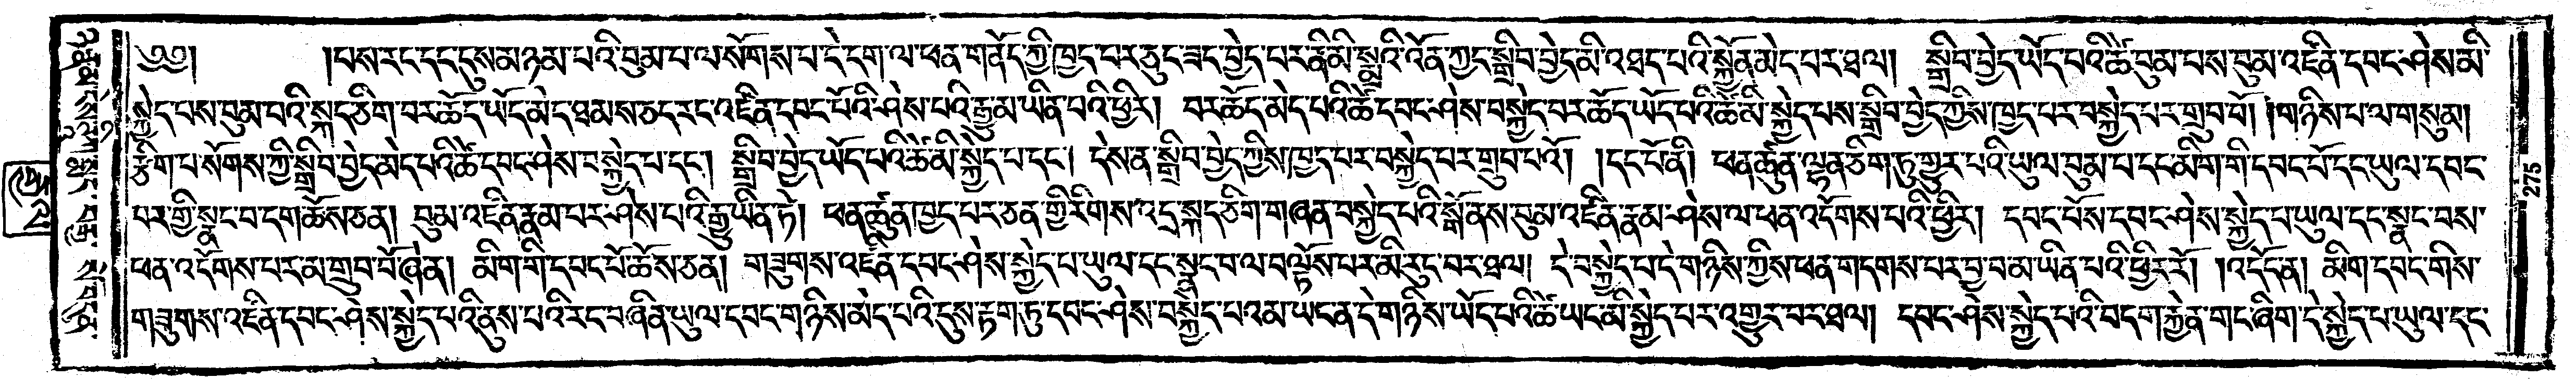༄༅། །པས་རང་དང་དུས་མཉམ་པའི་བུམ་པ་ལ་སོགས་པ་དེ་དག་ལ་ཕན་གནོད་ཀྱི་ཁྱད་པར་ཅུང་ཟད་བྱེད་པར་ནི་མི་སྨྲའི་འོན་ཀྱང་སྒྲིབ་བྱེད་མི་འཐད་པའི་སྐྱོན་མེད་པར་ཐལ། སྒྲིབ་བྱེད་ཡོད་པའི་ཚེ་བུམ་པས་བུམ་འཛིན་དབང་ཤེས་མི་
སྐྱེད་པས་བུམ་པའི་སྐད་ཅིག་བར་ཆོས་ཡོད་མེད་ཐམས་ཅད་རང་འཛིན་དབང་པོའི་ཤེས་པའི་རྒྱུ་མ་ཡིན་པའི་ཕྱིར། བར་ཆོད་མེད་པའི་ཚེ་དབང་ཤེས་བསྐྱེད་བར་ཆོད་ཡོད་པའི་ཚེ་མི་སྐྱེད་པས་སྒྲིབ་བྱེད་ཀྱིས་ཁྱད་པར་བསྐྱེད་པར་གྲུབ་བོ། །གཉིས་པ་ལ་གསུམ།
རྩིག་པ་སོགས་ཀྱི་སྒྲིབ་བྱེད་མེད་པའི་ཚེ་དབང་ཤེས་བསྐྱེད་པ་དང་། སྒྲིབ་བྱེད་ཡོད་པའི་ཚེ་མི་སྐྱེད་པ་དང་། དེས་ན་སྒྲིབ་བྱེད་ཀྱིས་ཁྱད་པར་བསྐྱེད་པར་གྲུབ་པའོ། །དང་པོ་ནི། ཕན་ཚུན་ལྷན་ཅིག་ཏུ་གྱུར་པའི་ཡུལ་བུམ་པ་དང་མིག་གི་དབང་པོ་དང་ཡུལ་དབང་
པར་གྱི་སྣང་བ་དག་ཆོས་ཅན། བུམ་འཛིན་རྣམ་པར་ཤེས་པའི་རྒྱུ་ཡིན་ཏེ། ཕན་ཚུན་ཁྱད་པར་ཅན་གྱི་རིགས་འདྲ་སྐད་ཅིག་གཞན་བསྐྱེད་པའི་སྒོ་ནས་བུམ་འཛིན་རྣམ་ཤེས་ལ་ཕན་འདོགས་པའི་ཕྱིར། དབང་པོས་དབང་ཤེས་སྐྱེད་པ་ཡུལ་དང་སྣང་བས་
ཕན་འདོགས་པར་མ་གྲུབ་བོ་ཞེ་ན། མིག་གི་དབང་པོ་ཆོས་ཅན། གཟུགས་འཛིན་དབང་ཤེས་སྐྱེད་པ་ཡུལ་དང་སྣང་བ་ལ་བལྟོས་པར་མི་རུང་བར་ཐལ། དེ་བསྐྱེད་པ་དེ་གཉིས་ཀྱིས་ཕན་གདགས་པར་བྱ་བ་མ་ཡིན་པའི་ཕྱིར་རོ། །འདོད་ན། མིག་དབང་གིས་
གཟུགས་འཛིན་དབང་ཤེས་སྐྱེད་པའི་ནུས་པའི་རང་བཞིན་ཡུལ་དབང་གཉིས་མེད་པའི་དུས་རྟག་ཏུ་དབང་ཤེས་བསྐྱེད་པའམ་ཡང་ན་དེ་གཉིས་ཡོད་པའི་ཚེ་ཡང་མི་སྐྱེད་པར་འགྱུར་བར་ཐལ། དབང་ཤེས་སྐྱེད་པའི་བདག་རྐྱེན་གང་ཞིག་དེ་སྐྱེད་པ་ཡུལ་དང་